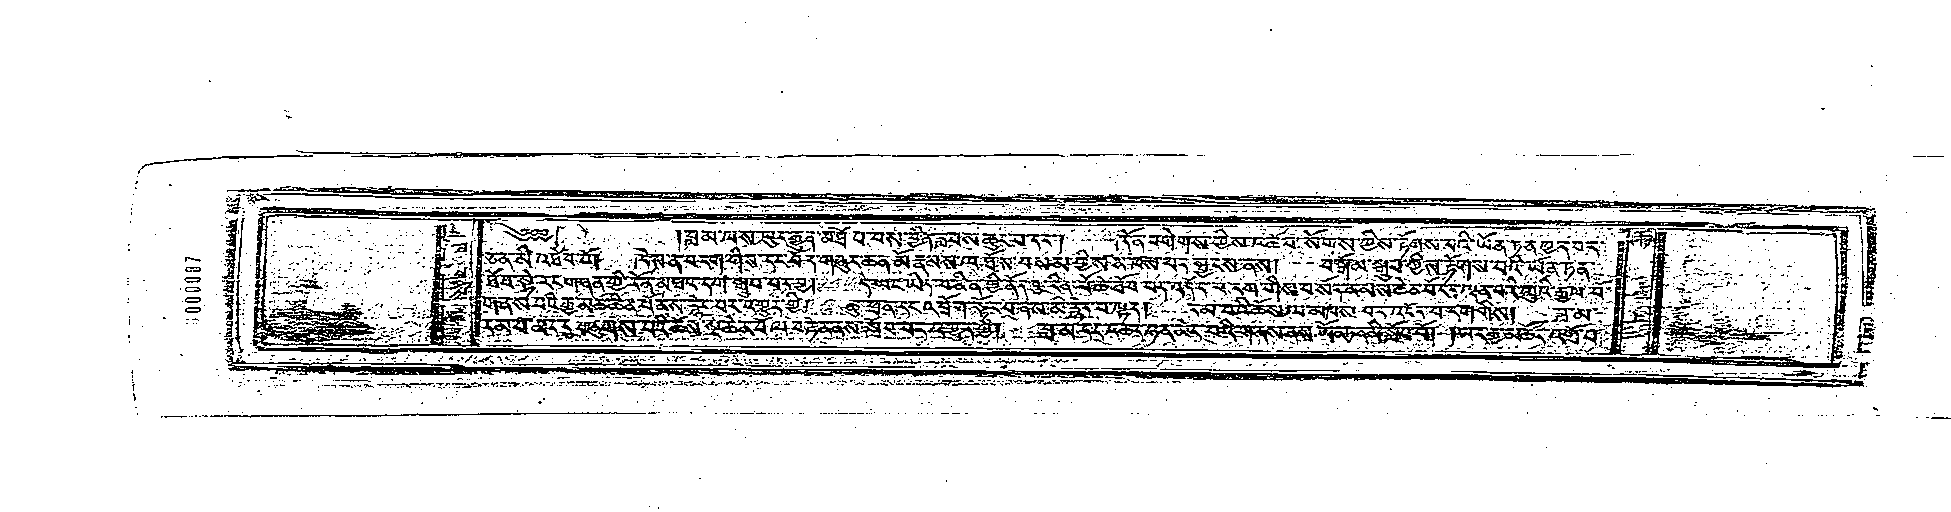༄༅༅། །བླ་མ་ལས་ལུང་རྒྱུན་མ་ཐོ་པ་བས་བྱིན་རླབས་ཆུང་བ་དང་། །དོན་བགེགས་ཀྱིས་འཚོ་བ་སོགས་ཀྱིས་རྟོགས་པའི་ཡོན་ཏན་ཁྱད་བར་
ཅན་མི་འཐོབ་བོ། །དེས་ན་བདག་གིས་དང་པོར་གཞུང་ཆེན་མོ་རྣམས་ལ་ཐོས་བསམ་གྱིས་མཁས་པར་སྦྱངས་ནས། བསྒོམ་སྒྲུབ་ཀྱིས་རྟོགས་པའི་ཡོན་ཏན་
ཐོབ་སྟེ་རང་གཞན་གྱི་དོན་མཐའ་དག་སྒྲུབ་པར་བྱ། དེ་ཡང་ཡིད་བཞིན་གྱི་ནོར་བུ་རིན་པོ་ཆེ་ཐོབ་པར་འདོད་བདག་གིས་བསོད་ནམས་ཆེན་པོ་དང་ལྡན་བའི་ཀླུའི་རྒྱལ་པོ་
གནས་པའི་རྒྱ་མཚོ་ཆེན་པོ་ནས་རྙེད་བར་འགྱུར་གྱི། ཆུ་ཕྲན་དང་འབྲོག་སྟོང་བ་ནས་མི་རྙེད་པ་ལྟར། དམ་བའི་ཆོས་ལ་མཁས་བར་འདོད་པ་དག་གིས། བླ་མ་
དམ་པ་མང་དུ་བཞུགས་པའི་ཆོས་སྡེ་ཆེན་པོ་ལ་བརྟེན་ནས་སློབ་པར་འགྱུར་གྱི། བླ་མ་དང་འཆང་ཉན་མེད་བའི་གནས་ནས་ཡོན་ཏན་མི་སློབ་པོ། །ཡར་རྒྱ་མཚོར་འགྲོ་བ་